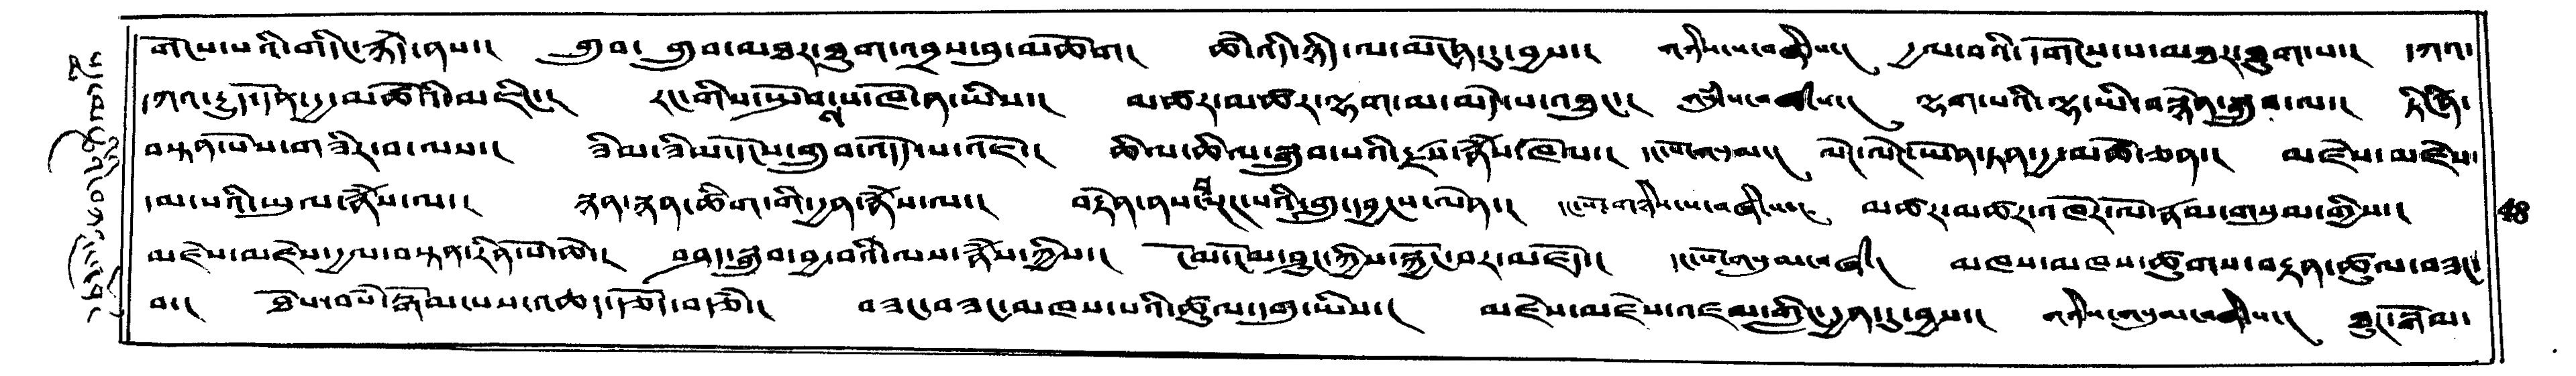དགོངས་པའི་གདིང་རྙེད་ནས། །གྲུབ་གྲུབ་མཐར་ཐུག་འབྲས་བུ་མཆོག ། ཚེ་འདི་ཉིད་ལ་མངོན་དུ་བྱས། གཉིས་པ་བཞི་པ། རྒྱལ་བའི་དགོངས་པ་མཐར་ཐུག་པ། །དཀའ་
དཀའ་རྒྱུད་དོན་རྒྱ་མཚོའི་འཇིངས་། །རང་གིས་སྤོབས་པ་ཁོ་ན་ཡིས། །མཚར་མཚར་ལྷག་མ་མེད་པ་འཐུང་། ། གསུམ་པ་བཞི་པ། ལྷག་པའི་ལྷ་ཡི་བསྙེན་སྒྲུབ་ལ། །ཏིང་འཛིན་
བརྟན་པོས་གཟིར་བ་ལས། །ཟིམ་ཟིམ་དངོས་གྲུབ་འདོད་པ་འཇོ། །ཆིལ་ཆིལ་སྒྲུབ་པའི་རྫས་རྣམས་ཁོལ། ། དང་པོ་གསུམ། ལེགས་ལེགས་ཡོན་ཏན་རྒྱ་མཚོ་ཅན། །མཛེས་མཛེས་
དམ་པའི་ཡུལ་རྣམས་ལ། །སྙན་སྙན་ཚིག་གི་རྒྱན་རྣམས་ལས། །བརྟེན་ནས་བསྔགས་པའི་གླུ་དབྱངས་ལེན། ། དང་པོ་གཉིས་པ་བཞི་པ། མཚར་མཚར་འཁོར་ལོ་རྣམ་གསུམ་གྱིས། །
མཛེས་མཛེས་རྒྱལ་བསྟན་རིན་པོ་ཆེ། །བཤད་སྒྲུབ་བྱ་བའི་ལས་རྣམས་ཀྱིས། །ངམ་ངམ་ཤུགས་ཀྱིས་སྐྱོང་བར་མཛོད། དང་པོ་གསུམ་བཞི། མཁས་མཁས་ཚུགས་བརྟན་ཚུལ་བཟང་
བ། །ཐོས་བསམ་སྒོམ་པས་འཆད་རྩོད་བརྩོམ། །བཟང་བཟང་མཁས་པའི་ཚུལ་དགུ་ཡིས། །མཛེས་མཛེས་འཛམ་གླིང་རྒྱན་དུ་བྱས། གཉིས་གསུམ་བཞི་པ། ཐུགས་སྒམ་